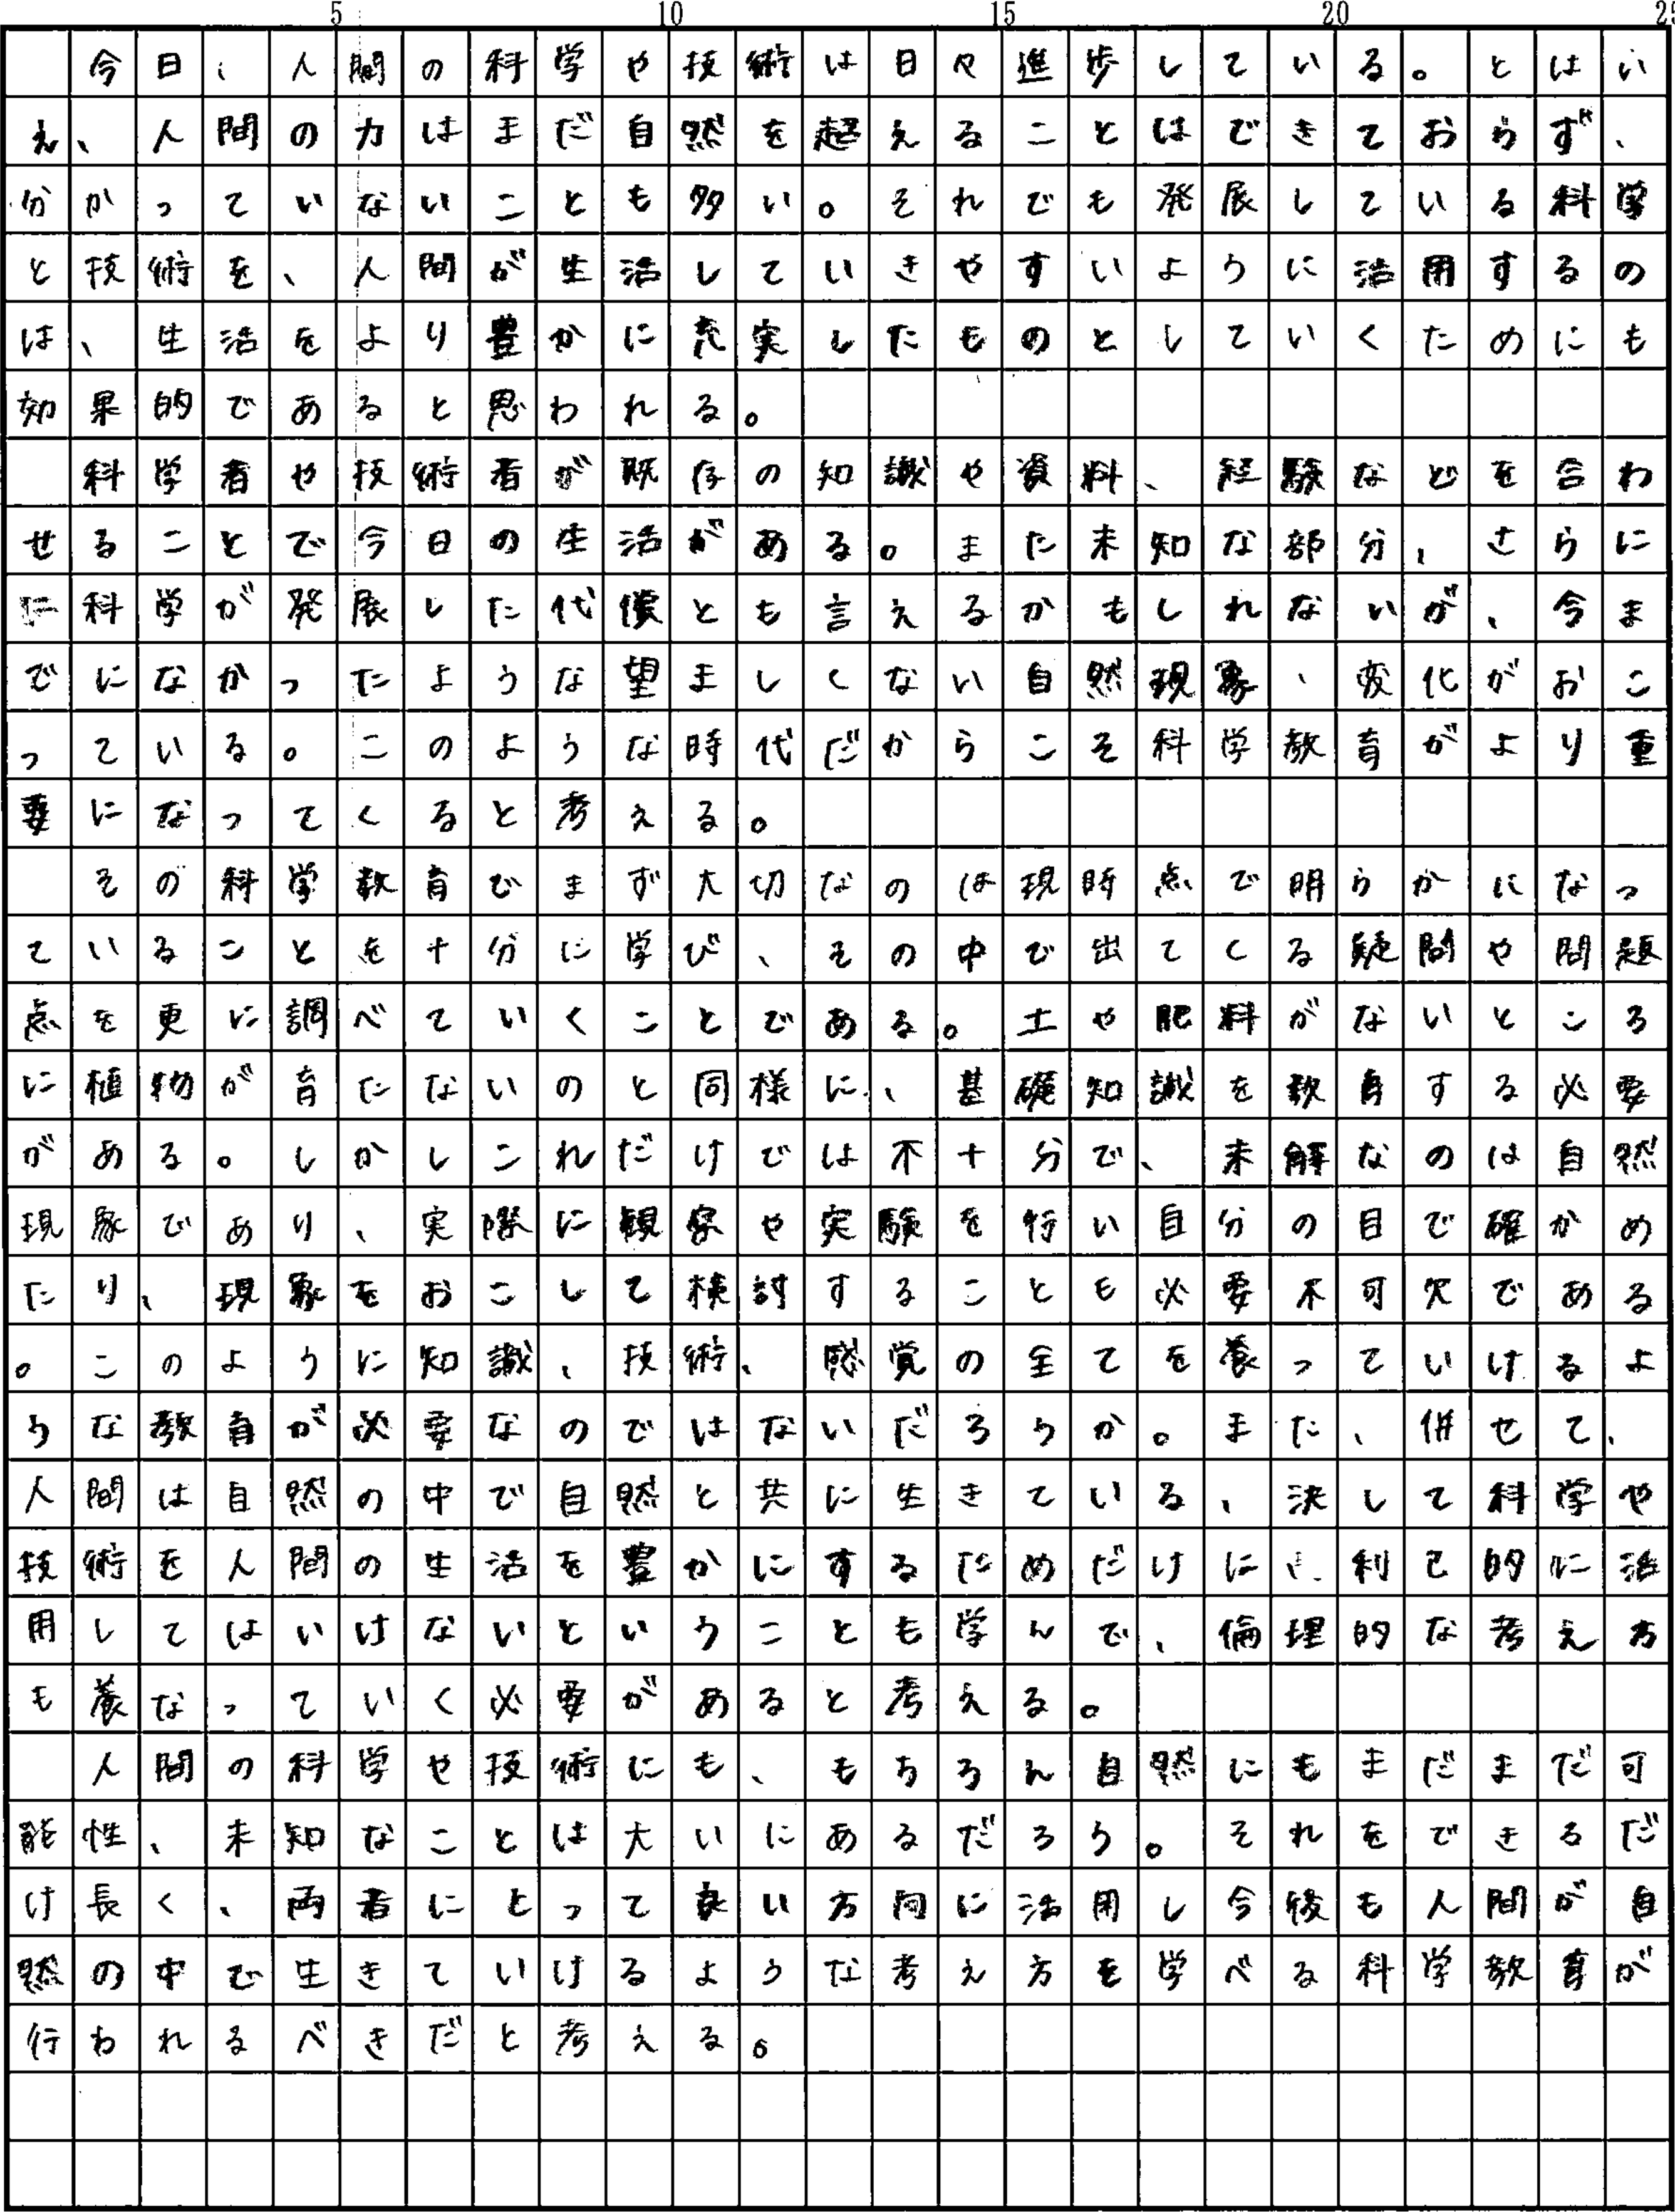　今日、人間の科学や技術は日々進歩している。とはいえ、人間の力はまだ自然を超えることはできておらず、分かっていないことも多い。それでも発展している科学と技術を、人間が生活していきやすいように活用するのは、生活をより豊かに充実したものとしていくためにも効果的であると思われる。科学者や技術者が既存の知識や資料、経験などを合わせることで今日の生活がある。また未知な部分、さらには科学が発展した代償とも言えるかもしれないが、今までになかったような望ましくない自然現象、変化がおこっている。このような時代だからこそ科学教育がより重要になってくると考える。
　その科学教育でまず大切なのは現時点で明らかになっていることを十分に学び、その中で出てくる疑問や問題点を更に調べていくことである。土や肥料がないところに植物が育たないのと同様に、基礎知識を教育する必要がある。しかしこれだけでは不十分で、未解なのは自然現象であり、実際に観察や実験を行い自分の目で確かめたり、現象をおこして検討することも必要不可欠である。このように知識、技術、感覚の全てを養っていけるような教育が必要なのではないだろうか。また、併せて、人間は自然の中で自然と共に生きている、決して科学や技術を人間の生活を豊かにするためだけに、利己的に活用してはいけないということも学んで、倫理的な考え方も養なっていく必要があると考える。
　人間の科学や技術にも、もちろん自然にもまだまだ可能性、未知なことは大いにあるだろう。それをできるだけ長く、両者にとって良い方向に活用し今後も人間が自然の中で生きていけるような考え方を学べる科学教育が行われるべきだと考える。
